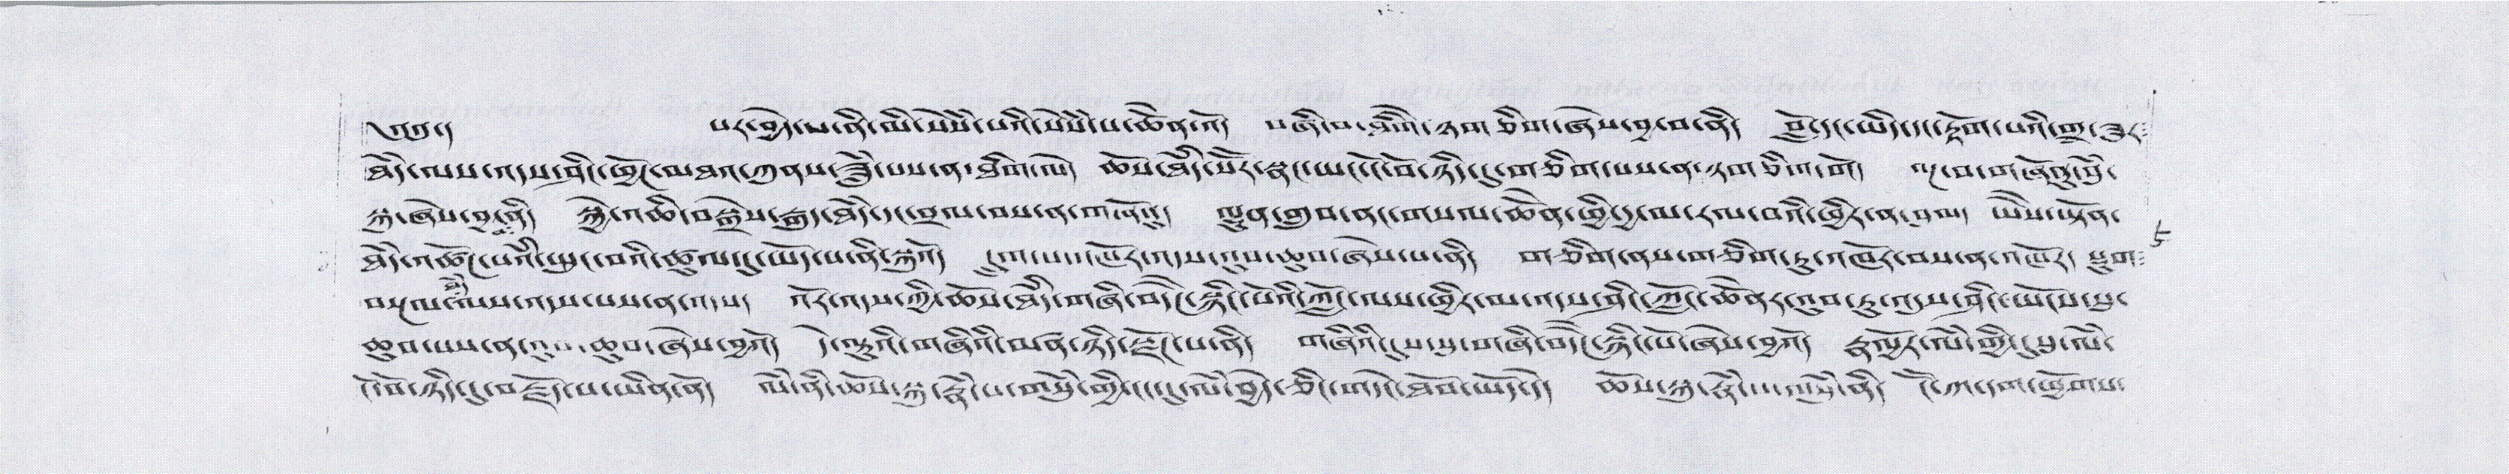པར་བྱེད་པ་ནི་མི་སེམས་པའི་སེམས་པ་ཆེན་པོའོ། བཞི་པ་ཐིག་ལེ་ཉག་ཅིག་ཞེས་བྱ་བ་ནི། བློ་དང་ཡིད་དང་རྟོག་པའི་གྲྭ་ཟུར་
ཐམས་ཅད་ལས་འདས་ཤིང་ཕྱོགས་མཐའ་ཀུན་ནས་ཟླུམ་པས་ན་ཐིག་ལེ། ཆོས་ཐམས་ཅད་སོ་སོར་སྣང་ཡང་ངོ་བོ་ཉིད་དུ་གཅིག་པས་ན་ཉག་གཅིག་གོ། ལྔ་པ་གཞོན་ནུ་བུམ་
སྐུ་ཞེས་བྱ་བ་ནི། སྐྱེ་འཆི་བསྒྲེས་རྒུད་ཐམས་ཅད་དང་བྲལ་བས་ན་གཞོན་ནུ། ལྷུན་གྲུབ་ནང་གསལ་ཆེན་པོ་ཕྱི་རྒྱ་མ་རལ་བའི་ཕྱིར་ན་བུལ། ཡེ་ཤེས་ཡོན་ཏན་
ཐམས་ཅད་འཚོགས་པའམ་སྤུང་བའི་ཚུལ་དུ་ཡོད་པ་ནི་སྐུའོ། དྲུག་པ་འཁོར་འདས་འུབ་ཆུབ་ཞེས་པ་ནི། གཅིག་ནས་གཅིག་ཏུ་འཁོར་བས་ན་འཁོར། སྡུག་
བསྔལ་ཐམས་ཅད་ལས་འདས་པས་ན་འདས། འཁོར་འདས་ཀྱི་ཆོས་ཐམས་ཅད་གཞི་བདེ་གཤེགས་སྙིང་པོའི་ཀློང་ལས་ཕྱིར་མ་འདས་ཤིང་ཀློང་ཆེན་པར་འུབ་ཏུ་འདུས་ཤིང་ཡོངས་སུ་
ཆུབ་པས་ན་འུབ་ཆུབ་ཞེས་བྱའོ། དེ་ལྟ་བུའི་གཞིའི་མཚན་ཉིད་རྫོགས་པ་ནི། གཞིའི་དུས་སུ་གཞི་བདེ་གཤེགས་སྙིང་པོ་ཞེས་བྱའོ། རྣལ་འབྱོར་ལམ་གྱི་དུས་སུ་ལམ་
ངོ་བོ་ཉིད་དུ་བརྗོད་པ་ཡིན་ནོ། ལམ་ནི་ཆོས་སྐུ་རྣམ་པ་གསུམ་གྱི་ངང་དུ་ལམ་བྱེད་ཅིང་གདེང་ཐོབ་ཡོད་དེ། ཆོས་སྐུ་རྣམ་པ་གསུམ་ནི། ངོ་བོ་ཀ་དག་ཕྱོགས་